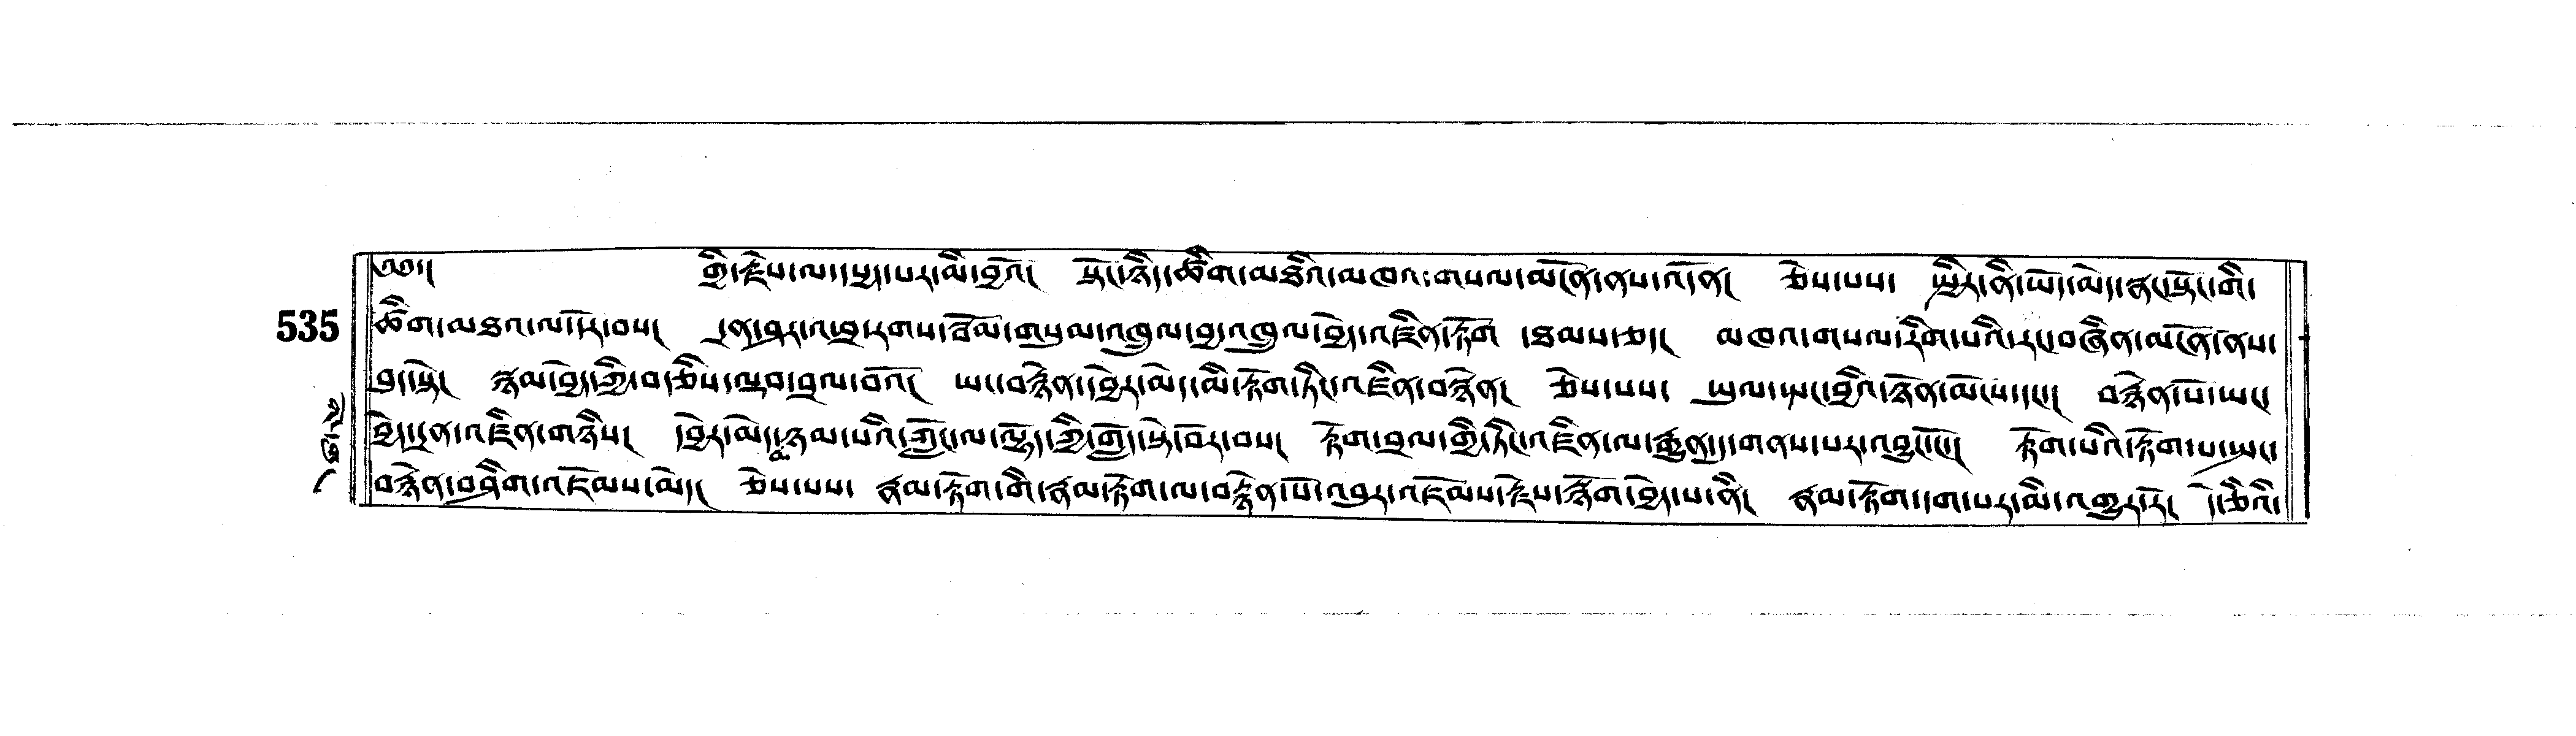གྱི་རྗེས་ལ་དཔྱད་པར་མི་བྱའོ། སྟོང་ཉིད་ཚིག་མཐའི་མཁའ་གསལ་མངོན་ནས་འདོན། ཅེས་པས། སྤྱིར་ནི་ཡོད་མེད་སྣང་སྟོང་གི་
ཚིག་མཐའ་ལ་དོར་བས། དྲན་ཤར་འཕྲ་རགས་སྦོམ་གསུམ་འཁྲུལ་བྱ་འཁྲུལ་བྱེད་འཛིན་རྟོག་ཐམས་ཅད་མཁའ་གསལ་རིག་པའི་རང་བཞིན་མངོན་ནས་
བུད་སྟེ། སྙམ་བྱེད་ཀྱི་རྩིས་ལྡབ་བྲལ་བའོ། ཡང་བསྙེན་དབྱེར་མེད་མི་རྟོག་ཏིང་འཛིན་བསྙེན། ཅེས་པས། ཡུལ་སྤང་བྱའི་ཉོན་མོངས་དང་། གཉེན་པོ་སྤང་
བྱེད་དྲན་འཛིན་གཉིས། དབྱེར་མེད་མཉམ་པའི་ཀློང་ལ་ལྷོིད་ཀྱིས་གློད་དེ་བོར་བས། རྟོག་བྲལ་གྱི་ཏིང་འཛིན་ལ་རྒྱུན་དུ་གནས་པར་འབྱུང་ངོ་། རྟོག་པས་རྟོག་པ་སྤང་
གཉེན་བཤིགས་འཇོམས་མེད། ཅེས་པས། རྣམ་རྟོག་གིས་རྣམ་རྟོག་ལ་གཉེན་པོ་འབུར་འཇོམས་རྗེས་རྙོགས་བྱེད་པ་ནི། རྣམ་རྟོག་དག་པར་མི་འགྱུར་རོ། དེ་ཅིའི་